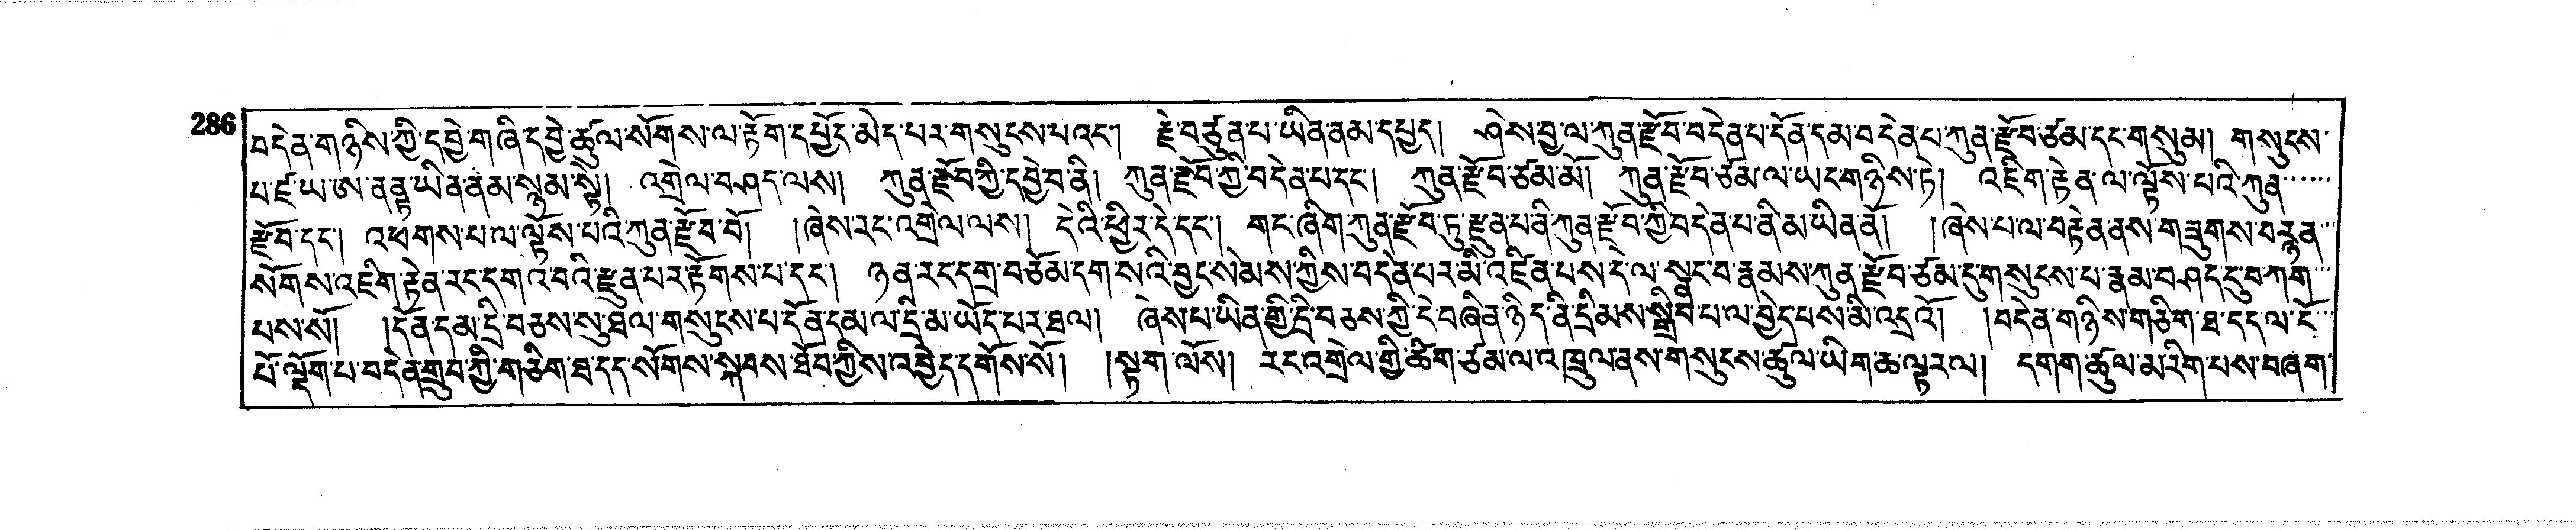བདེན་གཉིས་ཀྱི་དབྱེ་གཞི་དབྱེ་ཚུལ་སོགས་ལ་རྟོག་དཔྱོད་མེད་པར་གསུངས་པའང་། རྗེ་བཙུན་པ་ཡིན་ནམ་དཔྱད། ཤེས་བྱ་ལ་ཀུན་རྫོབ་བདེན་པ་དོན་དམ་བདེན་པ་ཀུན་རྫོབ་ཙམ་དང་གསུམ། གསུངས་
པ་ཛ་ཡ་ཨ་ནནྟ་ཡིན་ནམ་སྙམ་སྟེ། འགྲེལ་བཤད་ལས། ཀུན་རྫོབ་ཀྱི་དབྱེ་བ་ནི། ཀུན་རྫོབ་ཀྱི་བདེན་པ་དང་། ཀུན་རྫོབ་ཙམ་མོ། ཀུན་རྫོབ་ཙམ་ལ་ཡང་གཉིས་ཏེ། འཇིག་རྟེན་ལ་ལྟོས་པའི་ཀུན་
རྫོབ་དང་། འཕགས་པ་ལ་ལྟོས་པའི་ཀུན་རྫོབ་བོ། །ཞེས་རང་འགྲེལ་ལས། དེའི་ཕྱིར་དེ་དང་། གང་ཞིག་ཀུན་རྫོབ་ཏུ་རྫུན་པ་ནི་ཀུན་རྫོབ་ཀྱི་བདེན་པ་ནི་མ་ཡིན་ནོ། །ཞེས་པ་ལ་བརྟེན་ནས་གཟུགས་བརྙན་
སོགས་འཇིག་རྟེན་རང་དགའ་བའི་རྫུན་པ་རྟོགས་པ་དང་། ཉན་རང་དགྲ་བཅོམ་དག་སའི་བྱང་སེམས་ཀྱིས་བདེན་པར་མི་འཛིན་པས་དེ་ལ་སྣང་བ་རྣམས་ཀུན་རྫོབ་ཙམ་དུ་གསུངས་པ་རྣམ་བཤད་དུ་བཀག་
པས་སོ། །དོན་དམ་དྲི་བཅས་སུ་ཐལ་གསུངས་པ་དོན་དམ་ལ་དྲི་མ་ཡོད་པར་ཐལ། ཞེས་པ་ཡིན་གྱི་དྲི་བཅས་ཀྱི་དེ་བཞིན་ཉིད་ནི་དྲི་མས་སྒྲིབ་པ་ལ་བྱེད་པས་མི་འདྲའོ། །བདེན་གཉིས་གཅིག་ཐ་དད་ལ་ངོ་
པོ་ལྡོག་པ་བདེན་གྲུབ་ཀྱི་གཅིག་ཐ་དད་སོགས་སྐབས་ཐོབ་ཀྱིས་འབྱེད་དགོས་སོ། །སྟག་ལོས། རང་འགྲེལ་གྱི་ཚིག་ཙམ་ལ་འཁྲུལ་ནས་གསུངས་ཚུལ་ཡིག་ཆ་ལྟར་ལ། དགག་ཚུལ་མ་རིག་པས་བཞག་